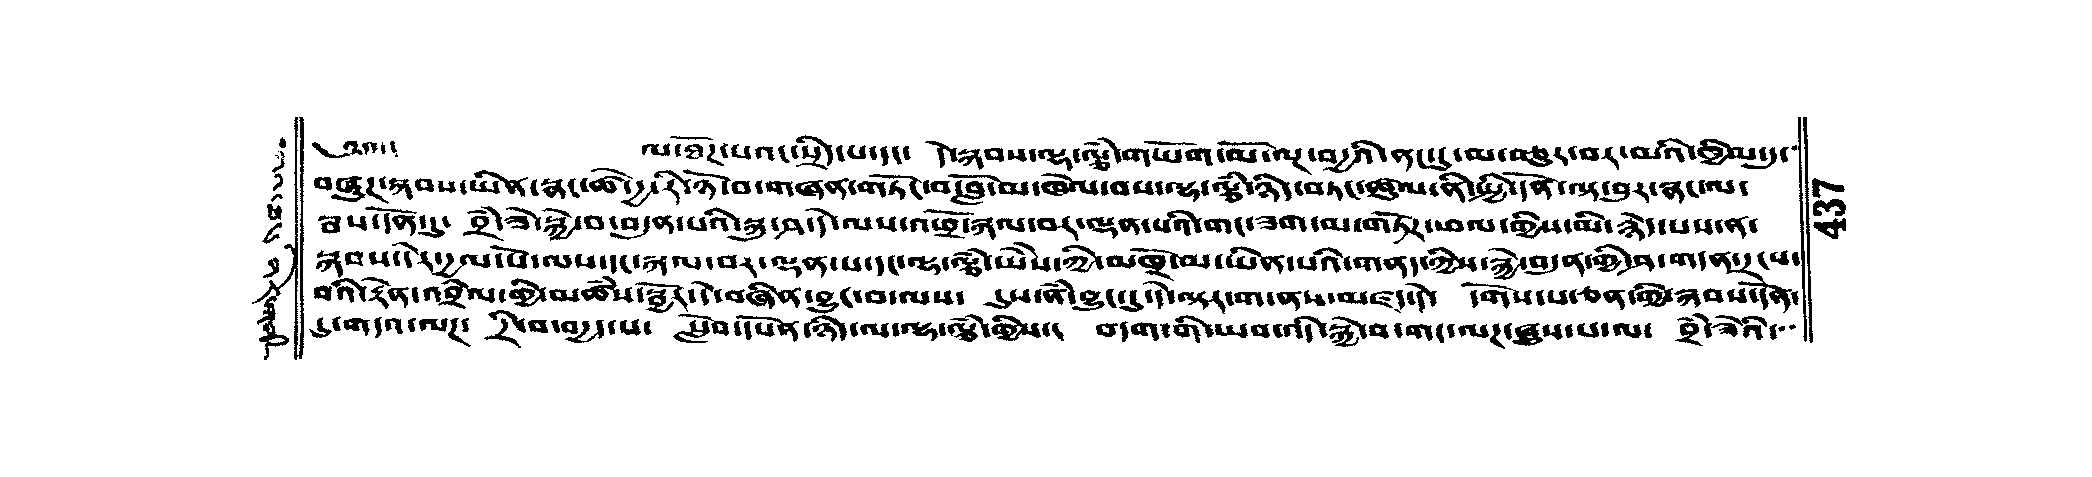ལ་ཐོགས་པའང་སྲིད་པ་དང་། དེ་སྐབས་ལྷ་ལྕམ་གཡོག་མོ་ལྔ་བརྒྱའི་ནང་དུ་མ་བཅུར་བར་མའི་ཁྱིམ་དུ་
བཞུགས་སྐབས་ཡིན་སྣང་ཚེ་རྒྱ་རི་ཉོ་བ་གཞན་གཏོང་བ་བློས་མ་ཁེལ་བས་ལྷ་ལྕམ་ཉིད་བཏང་ཚུལ་ནི་སྤྱི་དོན་ལྟར་བུར་སྣང་ལ་
སྦས་དོན། བྲམ་ཟེ་སྐྱེ་བ་བདུན་པའི་སྐུ་ཤ་དེ་ལས་འཕྲོ་སྐལ་བར་ལྡན་པའི་གང་ཟག་མ་གཏོགས་ཕལ་གྱིས་མི་རྙེད་པས་ན་
སྐབས་དེར་རྒྱལ་པོ་ལས་དང་སྐལ་བར་ལྡན་པ་དང་ལྷ་ལྕམ་ཡེ་ཤེས་ཀྱི་མཁའ་འགྲོ་མ་ཡིན་པའི་གནད་ཀྱིས་སྐྱེ་བདུན་གྱི་ཤ་གདན་དྲངས་
བའི་རྟེན་འབྲེལ་གྱི་མཚམས་སྦྱོར་དེ་བཞིན་བྱུང་བ་ལས། དུས་ནམ་བྱུང་དུ་དེ་ལྟར་ག་ནས་མཛད་དེ། དགོས་པ་ཅན་གྱི་སྐབས་དོན་
དུ་གདའ་ལགས། དྲི་བ་བརྒྱད་པ། སློབ་དཔོན་ཉིད་ལ་ལྷ་ལྕམ་གྱིས། བདག་གི་ཡབ་འདི་སྐྱེ་བ་གང་ལགས་ཞུས་པ་ལ། བྲམ་ཟེའི་